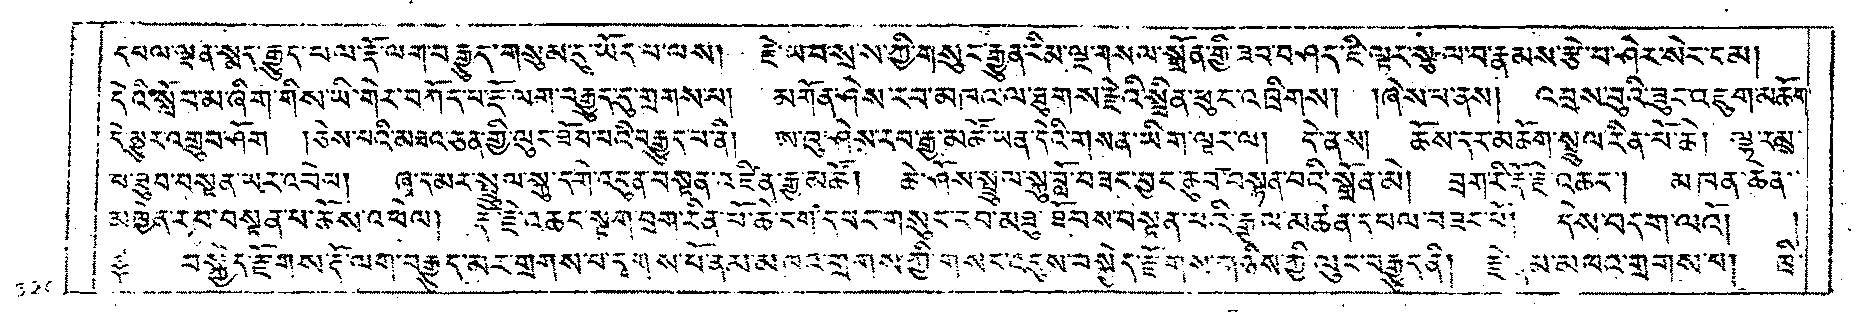དཔལ་ལྡན་སྨད་རྒྱུད་པ་ལ་རྡོ་ལག་བརྒྱུད་གསུམ་དུ་ཡོད་པ་ལས། རྗེ་ཡབ་སྲས་ཀྱི་གསུང་རྒྱུན་རིམ་ལྔ་གསལ་སྒྲོན་གྱི་ཟབ་བཤད་ཇི་ལྟར་སྩལ་བ་རྣམས་རྩེ་བ་ཤེར་སེང་ངམ།
དེའི་སློབ་མ་ཞིག་གིས་ཡི་གེར་བཀོད་པ་རྡོ་ལག་བརྒྱུད་དུ་གྲགས་པ། མགོན་ཤེས་རབ་མཁའ་ལ་ཐུགས་རྗེའི་སྤྲིན་ཕུང་འཁྲིགས། །ཞེས་པ་ནས། འབྲས་བུའི་ཟུང་འཇུག་མཆོག་
དེ་མྱུར་འགྲུབ་ཤོག །ཅེས་པའི་མཐའ་ཅན་གྱི་ལུང་ཐོབ་པའི་བརྒྱུད་པ་ནི། ཨ་ཁུ་ཤེས་རབ་རྒྱ་མཚོ་ཡན་དེའི་གསན་ཡིག་ལྟར་ལ། དེ་ནས། ཆོས་དར་མཆོག་སྤྲུལ་རིན་པོ་ཆེ། ལྷ་རམས་
པ་ཐུབ་བསྟན་ཡར་འཕེལ། ཞྭ་དམར་སྤྲུལ་སྐུ་དགེ་འདུན་བསྟན་འཛིན་རྒྱ་མཚོ། ཆེ་ཤོས་སྤྲུལ་སྐུ་བློ་བཟང་བྱང་ཆུབ་བསྟན་པའི་སྒྲོན་མེ། བྲག་རི་རྡོ་རྗེ་འཆང་། མཁན་ཆེན་
མཁྱེན་རབ་བསྟན་པ་ཆོས་འཕེལ། རྡོ་རྗེ་འཆང་སྟག་བྲག་རིན་པོ་ཆེ་ངག་དབང་གསུང་རབ་མཐུ་ཐོབས་བསྟན་པའི་རྒྱལ་མཚན་དཔལ་བཟང་པོ། དེས་བདག་ལའོ། །
༈ བསྐྱེད་རྫོགས་རྡོ་ལག་བརྒྱུད་མར་གྲགས་པ་དྭགས་པོ་ནམ་མཁའ་གྲགས་ཀྱི་གསང་འདུས་བསྐྱེད་རྫོགས་གཉིས་ཀྱི་ལུང་བརྒྱུད་ནི། རྗེ་ནམ་མཁའ་གྲགས་པ། ཁྲི་